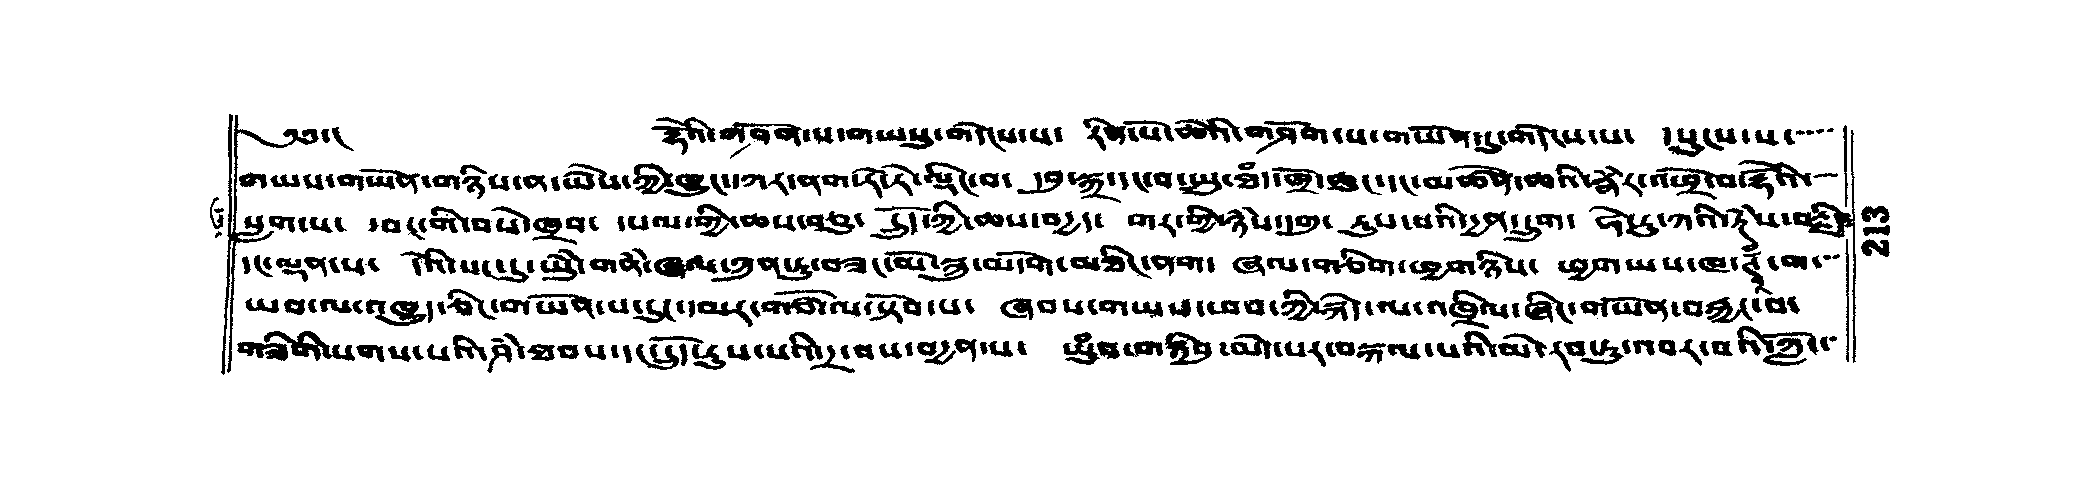རྡོ་རྗེའི་གཤོག་པ་གཡས་སུ་གདེངས་པ། རིན་པོ་ཆེའི་གཤོག་པ་གཡོན་དུ་གདེངས་པ། དཔུངས་པ་
གཡས་གཡོན་གཉིས་ན་ཡེ་ཤེས་ཀྱི་ཁྱུང་དཀར་ནག་རེ་རེ་ལྡིང་བ། དབུ་སྐྲ་དང་བ་སྤུ་ཐམས་ཅད་ཁྲོ་ཆུང་དང་མཚོན་ཆའི་རྣམ་པར་འཕྲོ་བ་རྡོ་རྗེའི་
སླག་པ། དབང་གི་བསེ་ཁྲབ། དཔལ་གྱི་ཆས་བཅུ། དུར་ཁྲོད་ཀྱི་ཆས་བརྒྱད། གར་གྱི་ཉམས་དགུ་རུས་པའི་རྒྱན་དྲུག་ཧེ་རུ་ཀའི་རྔམས་བརྗིད་
དང་ལྡན་པ། དེའི་པང་དུ་ཡུམ་གནམ་ཞལ་ཀུན་ཏུ་བཟང་མོ་སྐུ་མདོག་མཐིང་ནག་ཞལ་གཅིག་ཕྱག་གཉིས། ཕྱག་གཡས་ཁ་ཊྭཱྃ་ག་
ཡབ་ལ་འཁྱུད་ཅིང་གཡོན་པ་དུང་དམར་གཙོ་ལ་སྟོབ་པ། ཞབས་གཡས་ཕབ་ཀྱི་སྐེད་ལ་འཁྲིལ་ཞིང་གཡོན་བརྐྱང་བ། 
གཟིག་གི་པགས་པའི་ཤམ་ཐབས་དང་དུར་ཁྲོད་རུས་པའི་དྲ་བས་བརྒྱན་པ། ཡབ་ཡུམ་གཉིས་སུ་མེད་པར་བསྐལ་པའི་མེ་རབ་ཏུ་འབར་བའི་ཀློང་